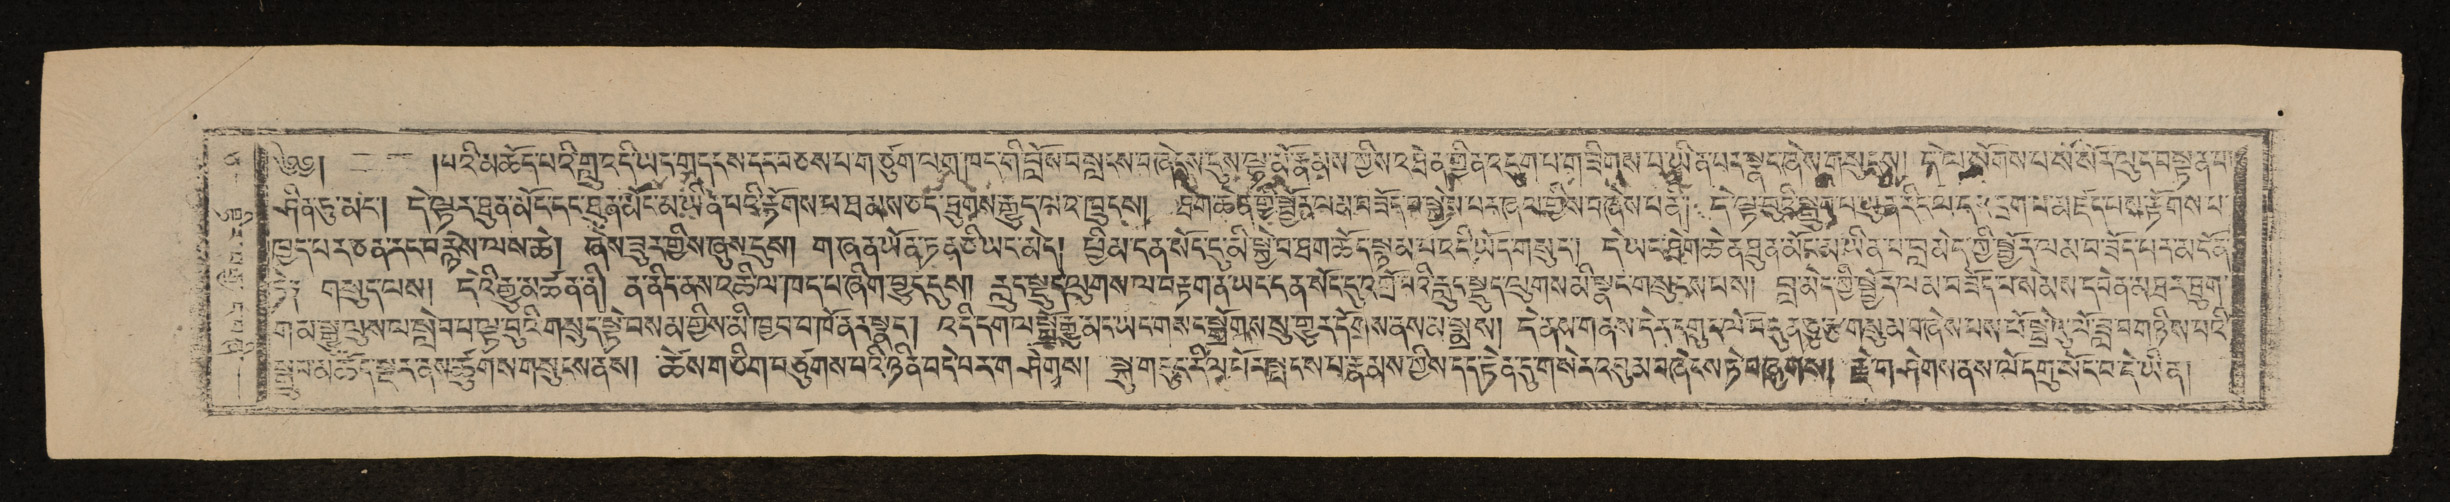༄༅། །པའི་ན་ཚོད་པའི་གླུ་འདི་ཡང་གདངས་དང་བཅས་པ་གཙུག་ལག་ཁང་གི་བློས་བསླངས་བཞེངས་དུས་ལྷ་མོ་རྣམས་ཀྱིས་འཐེན་གྱིན་འདུག་པ་གཟིགས་པ་ཡིན་པར་སྣང་ཞེས་གསུངས། དེ་ལ་སོགས་པ་སོ་སོར་ལུང་བསྟན་པ་
ཤིན་ཏུ་མང་། དེ་ལྟར་ཐུན་མོང་དང་ཐུན་མོང་མ་ཡིན་པའི་རྟོགས་པ་ཐམས་ཅད་ཐུགས་རྒྱུད་ལ་འཁྲུངས། ཐེག་ཆེན་གྱི་སྦྱོར་ལམ་བཟོད་པ་སྐྱེས་པར་ཞལ་གྱིས་བཞེས་པ་ནི། དེ་ལྟ་བུའི་སྒྲུབ་པ་ཡུན་རིང་ལ་དར་དྲག་པ་མཛད་པས་རྟོགས་པ་
ཁྱད་པར་ཅན་རང་བརྙེས་ལས་ཆེ། ཞེས་ཟུར་གྱིས་ཞུས་དུས། གཞན་ཡོན་ཏན་ཅི་ཡང་མེད། ཕྱི་མ་ངན་སོང་དུ་མི་སྐྱེ་བ་ཐག་ཆོད་སྙམ་པ་འདི་ཡོད་གསུང་། དེ་ཡང་ཐེག་ཆེན་ཐུན་མོང་མ་ཡིན་པ་བླ་མེད་ཀྱི་སྦྱོར་ལམ་བཟོད་པར་མངོན་
ཏེ༑ གསུང་ལས། དེའི་རྒྱུ་མཚན་ནི། ན་ཉིད་ནས་འཆི་ལ་ཁང་པ་ཞིག་བྱུང་དུས། རླུང་སྡུད་ལུགས་ལ་བརྟག་ན་ཡང་ངན་སོང་དུ་འགྲོ་བའི་རླུང་སྡུད་ལུགས་མི་སྣང་གསུངས་པས། བླ་མེད་ཀྱི་སྦྱོར་ལམ་བཟོད་པ་སེམས་དབེན་མཐར་ཐུག་
གམ་སྒྱུ་ལུས་ལ་སླེབ་པ་ལྟ་བུའི་གསུང་སྟེབས་མ་གྱིས་མི་ཁྱབ་པ་ཁོ་ནར་སྣང་། འདི་དག་ལ་སྤྲོ་རྒྱུ་མང་ཡང་གསང་སྒྲོགས་སུ་གྱུར་དོགས་ནས་མ་སྨྲས། དེ་ནས་གནས་དེར་དགུང་ལོ་བདུན་ཅུ་རྩ་གསུམ་བཞེས་པས་ཕོ་སྤྲེའུ་ལོ་ཟླ་བ་གཉིས་པའི་
སྒྲུབ་མཆོད་སྔར་ནས་ཚུགས་གསུངས་ནས། ཚེས་གཅིག་བཙུགས་པའི་ཉིན་བདེ་བར་གཤེགས། སྐུ་གདུད་རིལ་པོར་སྤངས་པ་རྣམས་ཀྱིས་དད་རྟེན་དུ་གསེར་འབུམ་བཞེངས་ཏེ་བཞུགས། རྗེ་གཤེགས་ནས་ལོ་དགུ་སོང་བདེ་ཡིན།